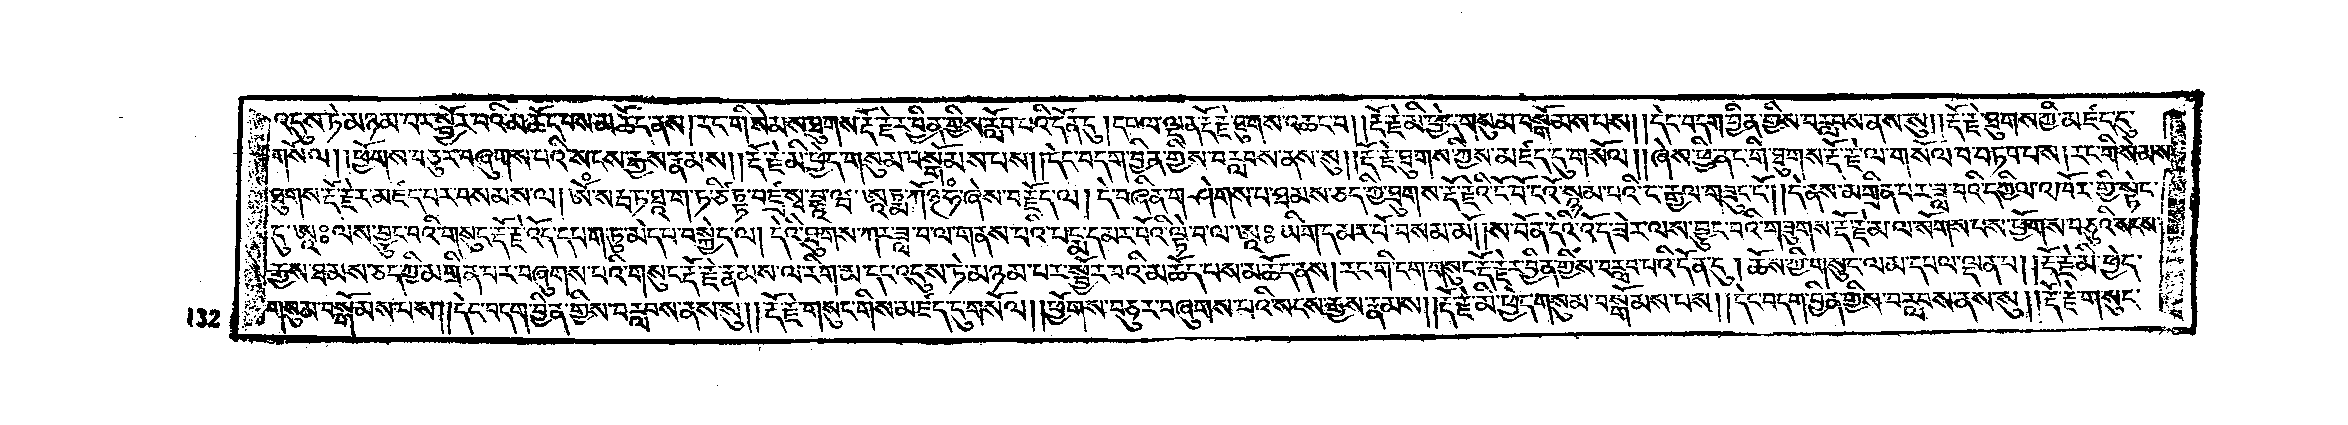འདུས་ཏེ་མཉམ་པར་སྦྱོར་བའི་མཆོད་པས་མཆོད་ནས། རང་གི་སེམས་ཐུགས་རྡོ་རྗེར་བྱིན་གྱིས་རློབ་པའི་དོན་དུ། དཔལ་ལྡན་རྡོ་རྗེ་ཐུགས་འཆང་བ། །རྡོ་རྗེ་མི་ཕྱེད་གསུམ་བསྒོམས་པས། །དེང་བདག་བྱིན་གྱིས་བརླབས་ནས་སུ། །རྡོ་རྗེ་ཐུགས་ཀྱི་མཛད་དུ་
གསོལ། །ཕྱོགས་བཅུར་བཞུགས་པའི་སངས་རྒྱས་རྣམས། །རྡོ་རྗེ་མི་ཕྱེད་གསུམ་བསྒོམས་པས། །དེང་བདག་བྱིན་གྱིས་བརླབས་ནས་སུ། །རྡོ་རྗེ་ཐུགས་ཀྱིས་མཛད་དུ་གསོལ། །ཞེས་ཕྱི་ནང་གི་ཐུགས་རྡོ་རྗེ་ལ་གསོལ་བ་བཏབ་པས། རང་གི་སེམས་
ཐུགས་རྡོ་རྗེར་མཛད་པར་བསམས་ལ། ཨོཾ་སརྦ་ཏ་ཐཱ་ག་ཏ་ཙིཏྟ་བཛྲ་སྭ་བྷཱ་ཝ་ཨཱཏྨ་ཀོཉ་ཧཾ་ཞེས་བརྗོད་ལ། དེ་བཞིན་གཤེགས་པ་ཐམས་ཅད་ཀྱི་ཐུགས་རྡོ་རྗེའི་ངོ་བོ་ངའོ་སྙམ་པའི་ང་རྒྱལ་གཟུང་ངོ། །དེ་ནས་མགྲིན་པར་ཟླ་བའི་དཀྱིལ་འཁོར་གྱི་སྟེང་
དུ་ཨཱཿ ལས་བྱུང་བའི་གསུང་རྡོ་རྗེ་འོད་དཔག་ཏུ་མེད་པ་བསྐྱེད་ལ། དེའི་ཐུགས་ཀར་ཟླ་བ་ལ་གནས་པའི་པདམ་དམར་པོའི་ལྟེ་བ་ལ་ཨཱཿ ཡིག་དམར་པོ་བསམ་མོ། །ས་བོན་དེའི་འོད་ཟེར་ལས་བྱུང་བའི་གཟུགས་རྡོ་རྗེ་མ་ལ་སོགས་པས་ཕྱོགས་བཅུའི་སངས་
རྒྱས་ཐམས་ཅད་ཀྱི་མགྲིན་པར་བཞུགས་པའི་གསུང་རྡོ་རྗེ་རྣམས་ལ་རིག་མ་དང་འདུས་ཏེ་མཉམ་པར་སྦྱོར་བའི་མཆོད་པས་མཆོད་ནས། རང་གི་ངག་གསུང་རྡོ་རྗེར་བྱིན་གྱིས་བརླབ་པའི་དོན་དུ། ཆོས་ཀྱི་གསུང་ལམ་དཔལ་ལྡན་པ། །རྡོ་རྗེ་མི་ཕྱེད་
གསུམ་བསྒོམས་པས། །དེང་བདག་བྱིན་གྱིས་བརླབས་ནས་སུ། །རྡོ་རྗེ་གསུང་གིས་མཛད་དུ་གསོལ། །ཕྱོགས་བཅུར་བཞུགས་པའི་སངས་རྒྱས་རྣམས། །རྡོ་རྗེ་མི་ཕྱེད་གསུམ་བསྒོམས་པས། །དེང་བདག་བྱིན་གྱིས་བརླབས་ནས་སུ། །རྡོ་རྗེ་གསུང་